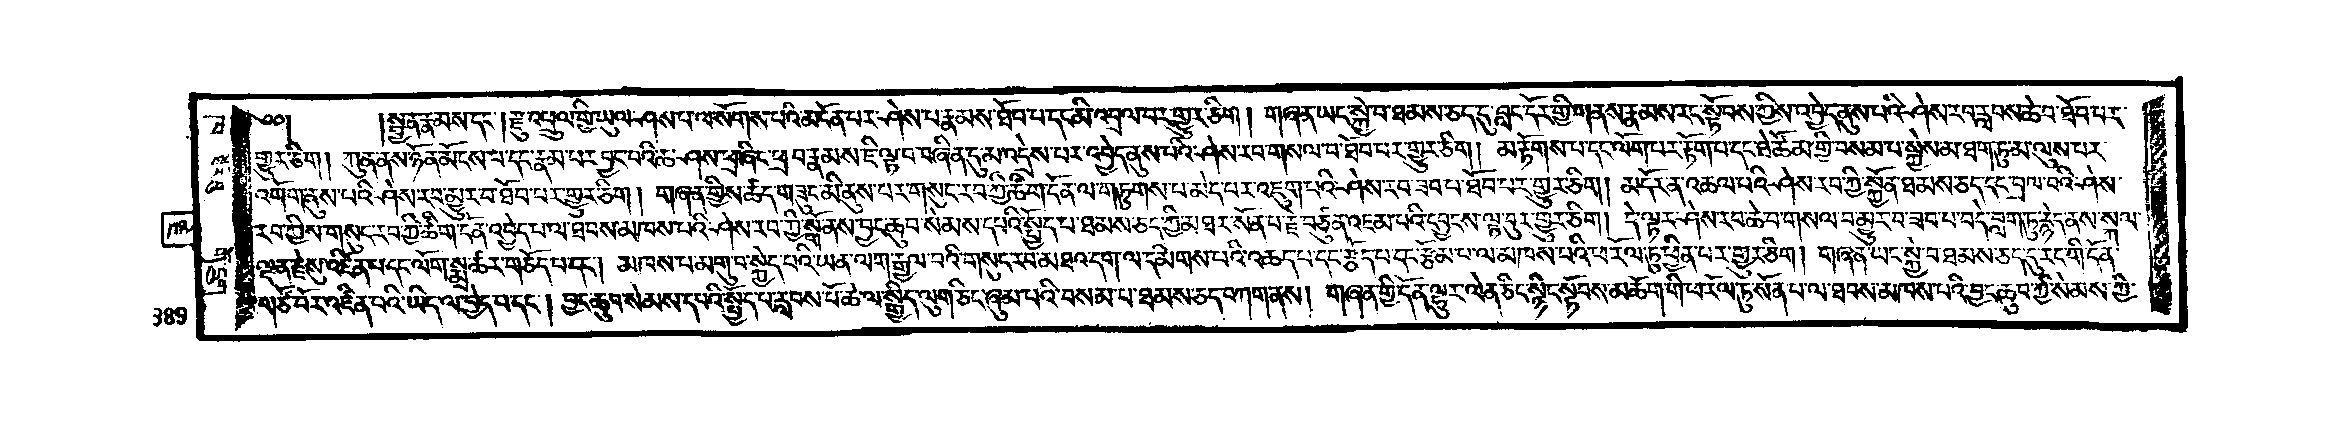༄༅། །སྤྱན་རྣམས་དང་། རྫུ་འཕྲུལ་གྱི་ཡུལ་ཤེས་པ་ལ་སོགས་པའི་མངོན་པར་ཤེས་པ་རྣམས་ཐོབ་པ་དང་མི་འབྲལ་བར་གྱུར་ཅིག། གཞན་ཡང་སྐྱེ་བ་ཐམས་ཅད་དུ་བླང་དོར་གྱི་གནས་རྣམས་རང་སྟོབས་ཀྱིས་འབྱེད་ནུས་པའི་ཤེས་རབ་རླབས་ཆེ་བ་ཐོབ་པར་
གྱུར་ཅིག །ཀུན་ནས་ཉོན་མོངས་པ་དང་རྣམ་པར་བྱང་བའི་ཆ་ཤས་ཕྲ་ཞིང་ཕྲ་བ་རྣམས་ཇི་ལྟ་བ་བཞིན་དུ་མ་འདྲེས་པར་འབྱེད་ནུས་པའི་ཤེས་རབ་གསལ་བ་ཐོབ་པར་གྱུར་ཅིག། མ་རྟོགས་པ་དང་ལོག་པར་རྟོག་པ་དང་ཐེ་ཚོམ་གྱི་བསམ་པ་སྐྱེས་མ་ཐག་ཏུ་མ་ལུས་པར་
འགོག་ནུས་པའི་ཤེས་རབ་མྱུར་བ་ཐོབ་པར་གྱུར་ཅིག །གཞན་གྱིས་ཚད་གཟུང་མི་ནུས་པར་གསུང་རབ་ཀྱི་ཚིག་དོན་ལ་གཏུགས་པ་མེད་པར་འཇུག་པའི་ཤེས་རབ་ཟབ་པ་ཐོབ་པར་གྱུར་ཅིག། མདོར་ན་འཆལ་བའི་ཤེས་རབ་ཀྱི་སྐྱོན་ཐམས་ཅད་དང་བྲལ་བའི་ཤེས་
རབ་ཀྱིས་གསུང་རབ་ཀྱི་ཚིག་དོན་འབྱེད་པ་ལ་ཐབས་མཁས་པའི་ཤེས་རབ་ཀྱི་སྒོ་ནས་བྱང་ཆུབ་སེམས་དཔའི་སྤྱོད་པ་ཐམས་ཅད་ཀྱི་མཐར་སོན་པ་རྗེ་བཙུན་འཇམ་པའི་དབྱངས་ལྟ་བུར་གྱུར་ཅིག། དེ་ལྟར་ཤེས་རབ་ཆེ་བ་གསལ་བ་མྱུར་བ་ཟབ་པ་བདེ་བླག་ཏུ་རྙེད་ནས་སྐལ་
ལྡན་རྗེས་སུ་འཛིན་པ་དང་ལོག་སྨྲ་ཚར་གཅོད་པ་དང་། མཁས་པ་མགུ་བ་སྐྱེད་པའི་ཡན་ལག་རྒྱལ་བའི་གསུང་རབ་མཐའ་དག་ལ་དམིགས་པའི་འཆད་པ་དང་རྩོད་པ་དང་རྩོམ་པ་ལ་མཁས་པའི་ཕ་རོལ་ཏུ་ཕྱིན་པར་གྱུར་ཅིག། གཞན་ཡང་སྐྱེ་བ་ཐམས་ཅད་དུ་རང་གི་དོན་
གཙོ་བོར་འཛིན་པའི་ཡིད་ལ་བྱེད་པ་དང་། བྱང་ཆུབ་སེམས་དཔའི་སྤྱོད་པ་རླབས་པོ་ཆེ་ལ་སྒྱིད་ལུག་ཅིང་ཞུམ་པའི་བསམ་པ་ཐམས་ཅད་བཀག་ནས། གཞན་གྱི་དོན་ལྷུར་ལེན་ཅིང་སྙིང་སྟོབས་མཆོག་གི་ཕ་རོལ་ཏུ་སོན་པ་ལ་ཐབས་མཁས་པའི་བྱང་ཆུབ་ཀྱི་སེམས་ཀྱི་